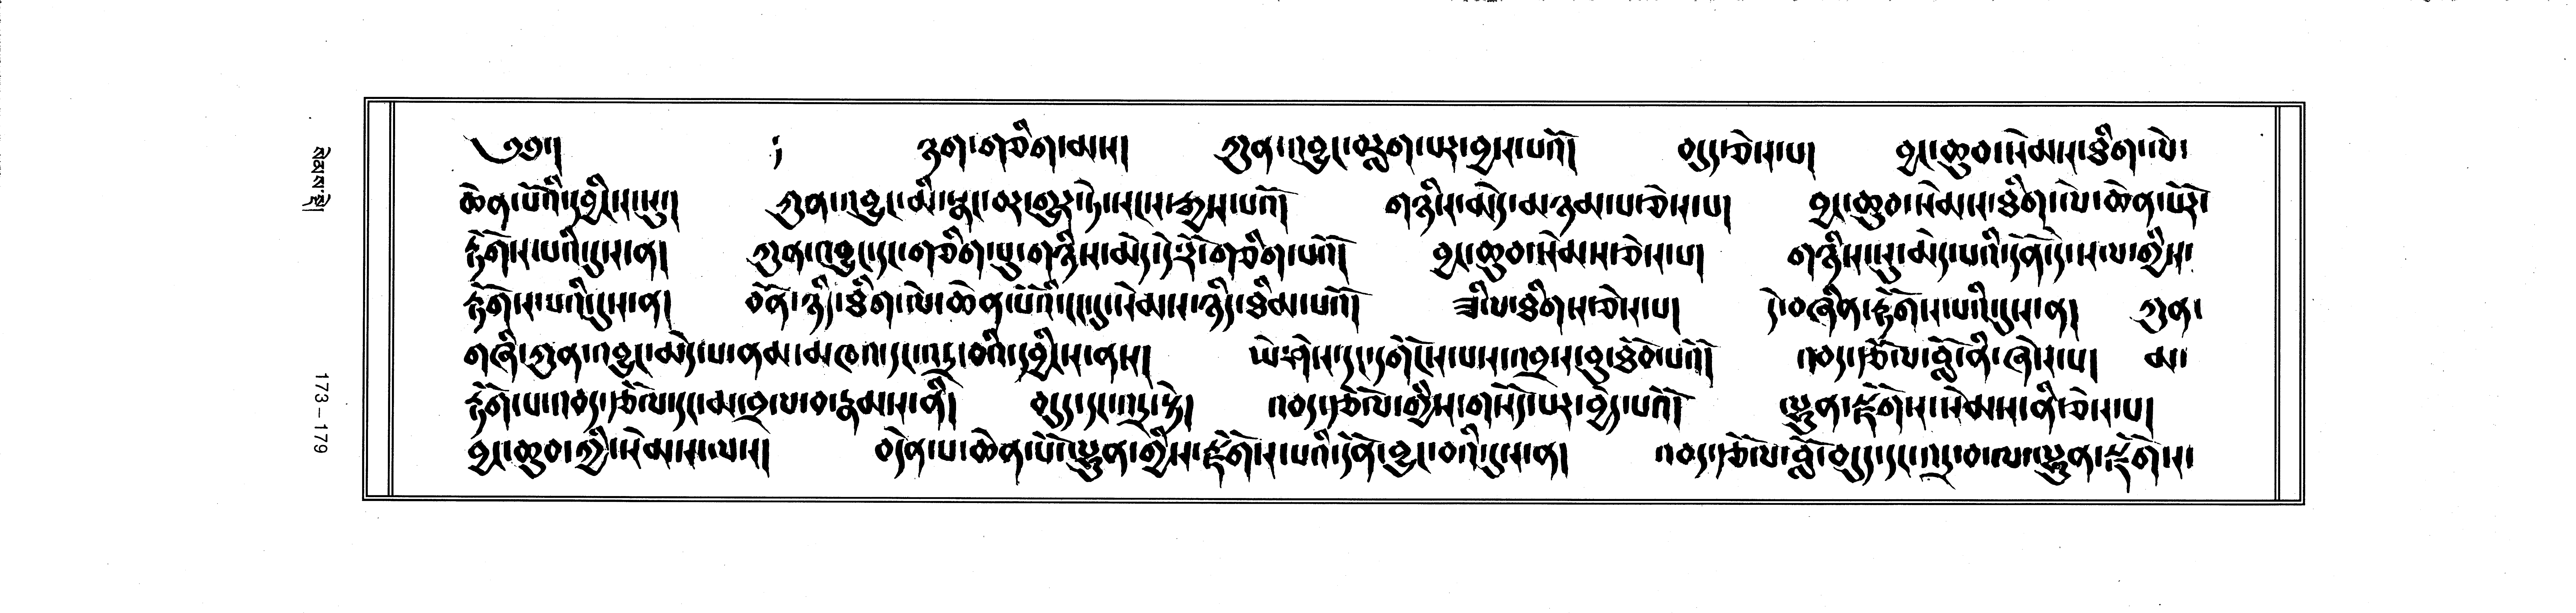ཉག་གཅིག་མས་ཀུན་འབྱུང་བརླག་པར་བྱས་པའོ། །བདུད་ཅེས་པ། བྱང་ཆུབ་སེམས་ཐིག་ལེ་
ཆེན་པོའི་དབྱིངས་སུ་ཀུན་འབྱུང་མི་སྣང་བར་གྱུར་ཏེ་སངས་རྒྱས་པའོ། །གཉིས་མེད་མཉམ་པ་ཅེས་པ། བྱང་ཆུབ་སེམས་ཐིག་ལེ་ཆེན་པོར་
རྟོགས་པའི་དུས་ན། ཀུན་འབྱུང་དང་གཅིག་པུ་གཉིས་མེད་རོ་གཅིག་པའོ། །བྱང་ཆུབ་སེམས་ཅེས་པ། གཉིས་སུ་མེད་པའི་དོན་དེ་སལ་གྱིས་
རྟོགས་པའི་དུས་ན། བོན་ཉིད་ཐིག་ལེ་ཆེན་པོའི་ངང་དུ་སེམས་ཉིད་ཐིམ་པའོ། །ཟིལ་ཐིགས་ཅེས་པ་དེ་བཞིན་རྟོགས་པའི་དུས་ན། ཀུན་
གཞི་ཀུན་འབྱུང་མེད་པ་ནམ་མཁའ་དང་འདྲ་བའི་དབྱིངས་ནས། ཡེ་ཤེས་དང་དགོངས་པ་དང་འབྲས་བུ་ཐོབ་པའོ། །འབད་རྩོལ་བློ་ནི་ཞེས་པ། མ་
རྟོགས་པ་འབད་རྩོལ་དང་མ་བྲལ་བ་རྣམས་ནི། བདུད་དང་འདྲ་སྟེ། འབད་རྩོལ་གྱིས་གསོད་པར་བྱེད་པའོ། །ལྷུན་རྫོགས་སེམས་ནི་ཅེས་པ། 
བྱང་ཆུབ་ཀྱི་སེམས་ལས། བདེན་པ་ཆེན་པོ་ལྷུན་གྱིས་རྫོགས་པའི་དོན་བྱུང་བའི་དུས་ན། འབད་རྩོལ་གྱི་བློ་བདུད་དང་འདྲ་བ་ལ་ལྷུན་རྫོགས་